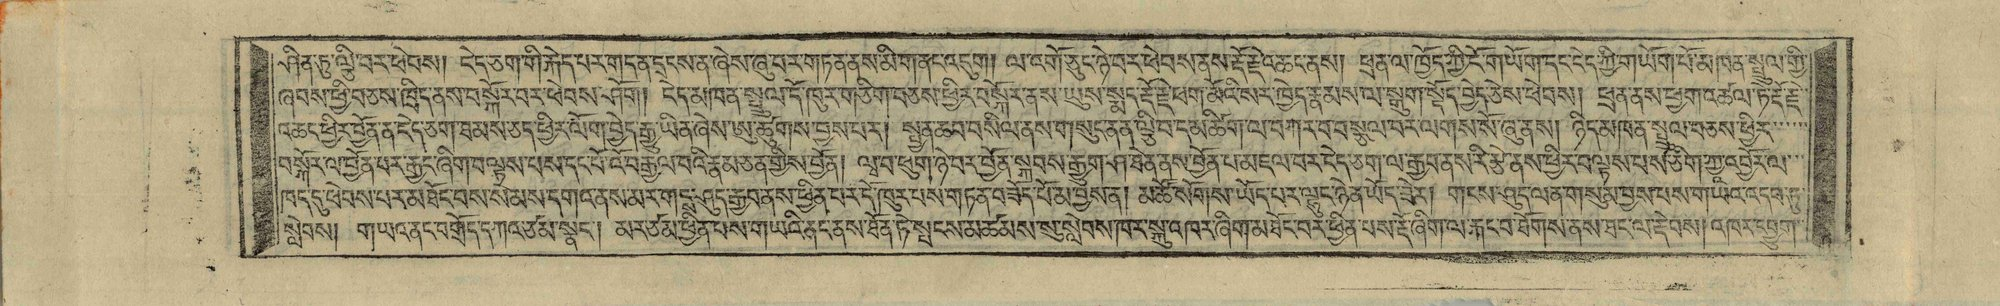ཤིན་ཏུ་ལྕི་བར་ཕེབས། ངེད་ཅག་གི་རྐེད་པར་གདན་དྲངས་ན་ཞེས་ཞུ་བར་གཏན་ནས་མི་གནང་འདུག །ལ་འགོ་ཅུང་ཉེ་བར་ཕེབས་ནས་རྡོ་རྗེ་འཆང་ནས། ཕྲན་ལ་ཁྱོད་ཀྱི་ངོ་གཡོག་དང་ངེད་ཀྱི་གཡོག་པོ་མཁན་སྤྲུལ་གྱི་
ཞབས་ཕྱི་བཅས་ཁྲིད་ནས་བསྐོར་བར་ཕེབས་ཤོག །ངེད་མཁན་སྤྲུལ་དོ་ཁུར་གཅིག་བཅས་ཕྱིར་བསྐོར་ནས་ཡུས་སྨད་རྡོ་རྗེ་ཕག་མོའི་སར་ཁྱེད་རྣམས་ལ་སྒུག་སྡོད་བྱེད་ཅེས་ཕེབས། ཕྲན་ནས་ཕྱག་འཚལ་ཏེ་རྡོ་རྗེ་
འཆང་ཕྱིར་བྱོན་ན་ངེད་ཅག་ཐམས་ཅད་ཕྱིར་ལོག་བྱེད་རྒྱུ་ཡིན་ཞེས་ཨུ་ཚུགས་བྱས་པར། སྤྱན་ཆབ་བསིལ་ནས་གསུང་ནན་ལྕི་བ་དམ་ཚིག་ལ་བཀར་བ་བསྩལ་བར་ལགས་སོ་ཞུ་ནས། ཉིད་མཁན་སྤྲུལ་བཅས་ཕྱིར་
བསྐོར་ལ་བྱོན་པར་རྒྱང་ཞིག་བལྟས་པས་དང་པོ་འོ་བརྒྱལ་བའི་རྣམ་ཅན་གྱིས་བྱོན། ཝ་བ་ཕུག་ཉེ་བར་བྱོན་སྐབས་རྒྱུག་ཤ་ཐེན་ནས་བྱོན་པ་མཇལ་བར་ངེད་ཅག་ལ་རྒྱབ་ནས་རི་རྩེ་ནས་ཕྱིར་བལྟས་པས་ཅིག་ཀྱཱ་འབྱོར་ལ་
ཁད་དུ་ཕེབས་པར་མཐོང་བས་སེམས་དགའ་ནས་མར་གངས་ཤུད་རྒྱབ་ནས་ཕྱིན་པར་དོ་ཁུར་པས་གཏན་བཟོད་པོ་མ་བྱས་ན། མཚོ་སོགས་ཡོད་པར་ལྷུང་ཉེན་ཡོད་ཟེར། གངས་ཤུད་ལན་གསུམ་བྱས་པས་གཡའ་འདབ་ཏུ་
སླེབས༑ གཡའ་ནང་བགྲོད་དཀའ་ཙམ་སྣང་། མར་ཙམ་ཕྱིན་པས་གཡའི་ནང་ནས་ཐོན་ཏེ་སྤངས་མཚམས་སུ་སླེབས་ཁར་སྐུ་འཁར་ཞིག་མཐོང་བར་ཕྱིན་པས་རྡོ་ཞིག་ལ་རྐང་བ་ཐོགས་ནས་ཐང་ལ་རྡེབས། འཁར་དབྱུག་